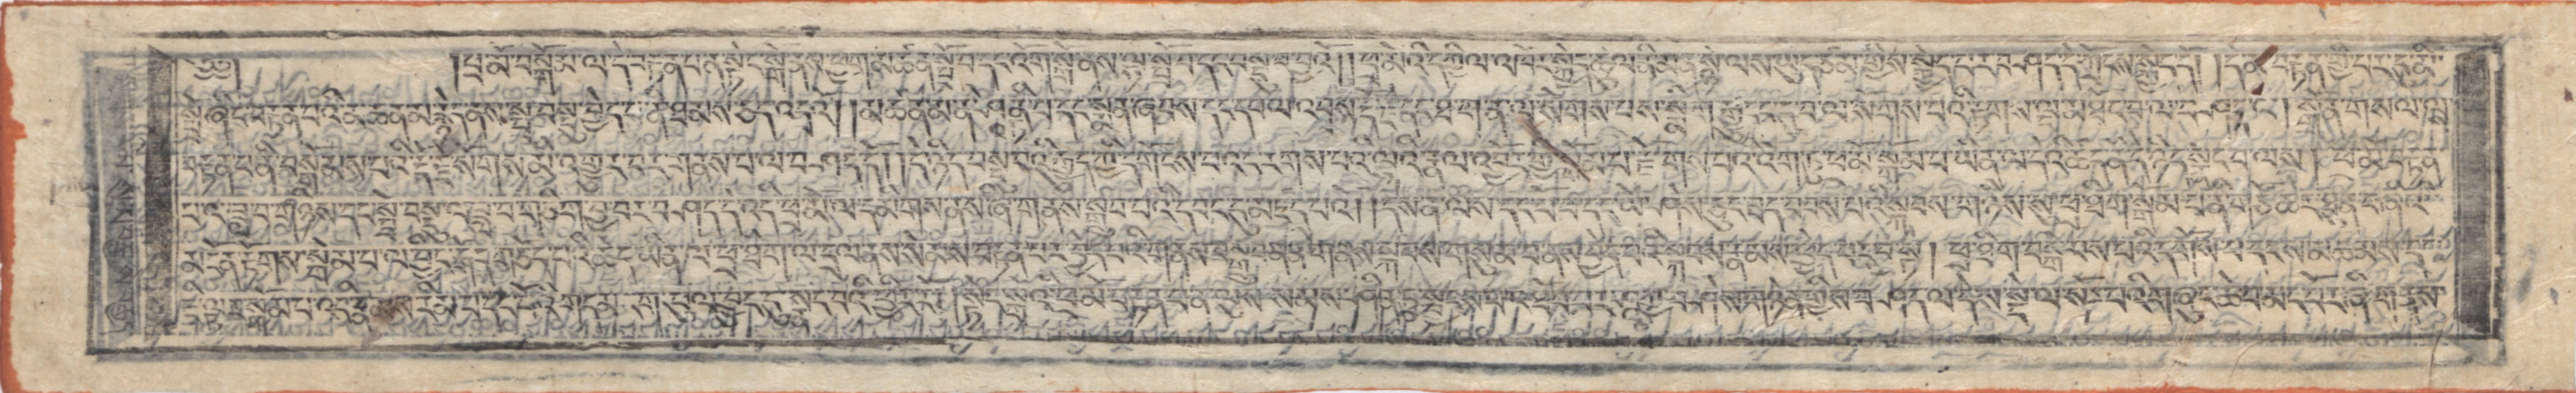༄༅། །ཕྲ་མོ་བསྒོམ་ལ་དེ་བརྟན་པ་ན་སྟེང་སྒོ་ནས་ཕྱག་མཚན་སྤྲོ་བ་དང་འོག་སྒོ་ནས་ལྷ་སྤྲོ་བ་དང་བསྡུ་བ་བྱའོ། །ཕྲ་མོའི་དཀྱིལ་འཁོར་སྐྱེད་ཚུལ་ནི་མན་སྙེ་ལས་ཡུད་ཙམ་གྱིས་སྐྱེད་པར་བཤད་དེ་ཀྲོངས་སྐྱེད་དོ། །དེ་མ་བརྟན་གྱི་པར་?
སྤྲོ་ཞིང་བརྟན་པའི་མཚན་མ་རྙེད་ནས་སྤྲ་བསྡུ་བྱེད་པ་ནི་ཐམས་ཅད་འདྲའོ། །མཚན་མ་ནི་ཤཱནྟི་པ་དང་སྨན་ཞབས་དང་དཔལ་འབྲས་རྡོ་རྗེ་དང་ཐ་ག་ན་ལ་སོགས་པས་སྨིག་རྒྱུ་དང་དུ་བ་ལ་སོགས་པའི་རྟགས་ལྔ་མཐོང་བ་ལ་བཤད་ལ། སྒྲོན་གསལ་ལས་
བརྟན་པ་ནི་བསྒོམས་པའི་རྡོ་རྗེ་སོགས་མི་འགྱུར་བར་གནས་པ་ལ་བཤད་དོ། །དེ་ཉིད་བསྡུ་བའི་རྒྱུད་ཀྱི་དགོངས་པའང་རགས་པའི་ལྷའི་རྣལ་འབྱོར་གྱི་སྒོམ་པ་རྫོགས་པའི་འོག་ཏུ་ཕྲ་མོ་སྒོམ་པ་ཡིན་ལ་དེའི་ཚད་ནི་དེ་ཉིད་སྣང་བ་ལས། ཕྲ་མོ་བརྟན་
པ་ལ་ཟླ་བ་ལ་གཉིས་དང་སྤྲོ་བསྡུ་ལ་ཟླ་བ་གཅིག་བྱ་བར་བཤད་དེ་འདི་ཕྲ་མོ་ལ་དམིགས་ནས་ཞི་གནས་སྒྲུབ་པའི་དབང་དུ་མཛད་པའོ། །དེས་ན་ལས་དང་པོ་པ་དང་ཡེ་ཤེས་ཅུང་ཟད་བབས་པའི་སྐབས་གཉིས་སུ་ཕྲ་ཐིག་སྒོམ་པ་ནི་གཙོ་ཆེར་ཐུན་བཞིའི་
མངོན་རྟོགས་སྒོམ་པ་ལ་བྱིང་རྒོད་གཅོད་པའི་ཆེད་ཡིན་ལ་ཕྲ་ཐིག་ལ་དྲལ་ནས་སེམས་བརྟན་པར་བྱེད་པའི་གནས་བསྒྲུབ་ན་ནི་གནས་སྐབས་གསུམ་པ་ནས་བྱེད་པའི་སྐབས་རྣམས་ཕྱེད་པར་བྱ་སྟེ། ཕྲ་ཐིག་བསྒོམས་པའི་དགོས་པ་དང་ས་མཚམས་དང་
ཇི་ལྟར་སྒོམ་པ་འདི་རྣམས་རིམ་པ་དང་པོའི་གདམ་ངག་ཕུལ་བྱུང་དུ་སྣང་བའི་ཕྱིར་རོ། །སྟེང་སྒོའི་ཕྲ་མོ་བརྟན་པ་ན་ལུས་སེམས་ཤིན་ཏུ་སྦྱངས་པ་འཐོབ་པར་ཤཱཀྱ་བཤེས་གཉེན་གྱིས་བཤད་ལ་དེ་ས་སྡེ་ལ་སོགས་པའི་གཞུང་ཆེ་བ་མང་པོར་ཞི་གནས་